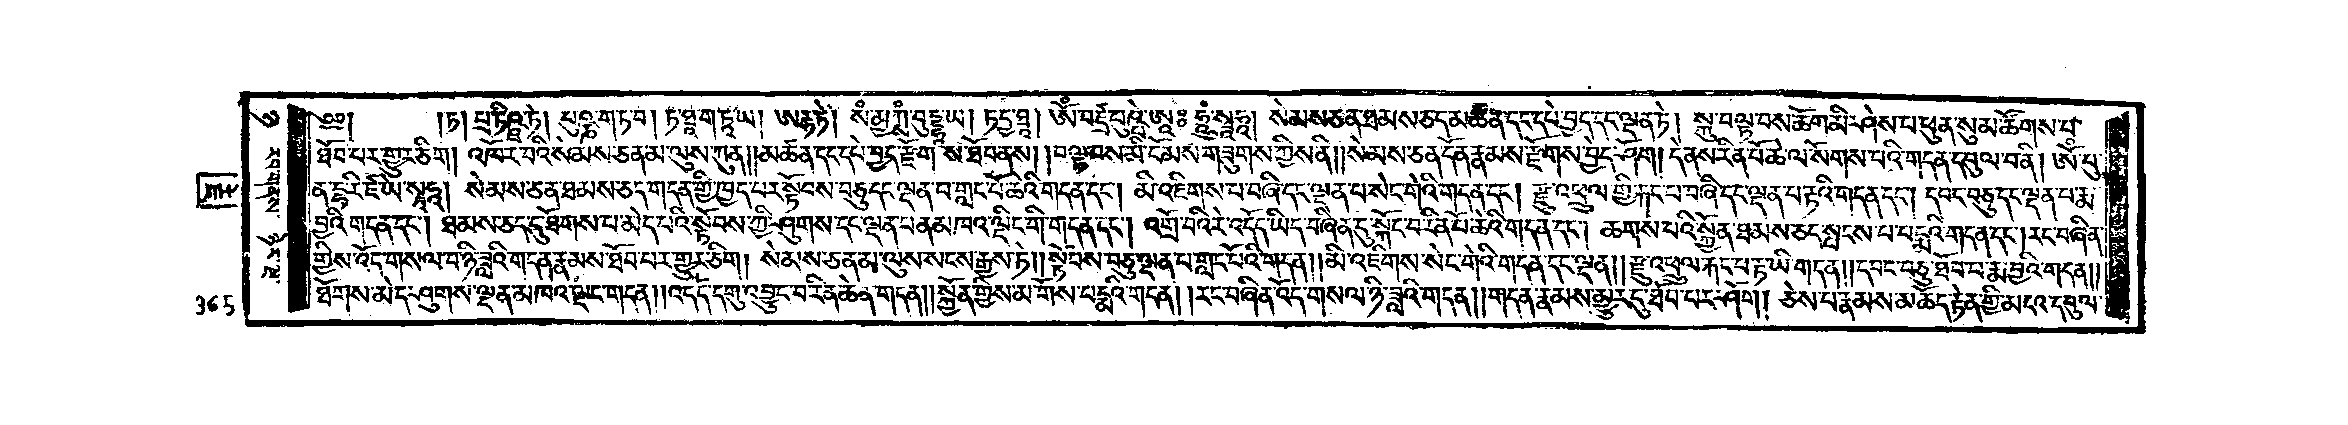༄༅། །ཏ། པྲ་ཏིཥཊཿཨ་ཏེ། པུཥྞ་ག་ཏ་བེ། ཏ་ཐཱ་ག་ཏཱ་ཡ། ཨརྷ་ཏེ། སཾ་མྱཀསཾ་བུདྡྷཱ་ཡ། ཏ་དྱ་ཐཱ། ཨོཾ་བཛྲ་བུཥྤེ་ཨཱཿ ཧཱུཾ་སྭཱ་ཧཱ། སེམས་ཅན་ཐམས་ཅད་མཚན་དང་དཔེ་བྱད་དང་ལྡན་ཏེ། སྐུ་བལྟ་བས་ཆོ་ག་མི་ཤེས་པ་ཕུན་སུམ་ཚོགས་པ་
ཐོབ་པར་གྱུར་ཅིག །འཁོར་བའི་སེམས་ཅན་མ་ལུས་ཀུན། །མཚན་དང་དཔེ་བྱད་རྫོགས་ཐོབ་ནས། །བལྟ་བས་མི་ངོམས་གཟུགས་ཀྱིས་ནི། །སེམས་ཅན་དོན་རྣམས་རྫོགས་བྱེད་ཤོག །དེ་ནས་རིན་པོ་ཆེ་ལ་སོགས་པའི་གདན་དབུལ་བ་ནི། ཨོཾ་པུ་
ན་དྷ་རི་ཛ་ཡེ་སྭཱ་ཧཱ། སེམས་ཅན་ཐམས་ཅད་གདན་གྱི་ཁྱད་པར་སྟོབས་བཅུ་དང་ལྡན་པ་གླང་པོ་ཆའི་གདན་དང་། མི་འཇིགས་པ་བཞི་དང་ལྡན་པ་སེང་གེའི་གདན་དང་། རྫུ་འཕྲུལ་གྱི་རྐང་པ་བཞི་དང་ལྡན་པ་རྟའི་གདན་དང་། དབང་བཅུ་དང་ལྡན་པ་རྨ་
བྱའི་གདན་དང་། ཐམས་ཅད་དུ་ཐོགས་པ་མེད་པའི་སྟོབས་ཀྱི་ཤུགས་དང་ལྡན་པ་ནམ་མཁའ་ལྡིང་གི་གདན་དང་། འགྲོ་བའི་རེ་འདོད་ཡིད་བཞིན་དུ་སྐོང་བ་རིན་པོ་ཆེའི་གདན་དང་། ཆགས་པའི་སྐྱོན་ཐམས་ཅད་སྤངས་པ་པདམའི་གདན་དང་། རང་བཞིན་
གྱིས་འོད་གསལ་བ་ཉི་ཟླའི་གདན་རྣམས་ཐོབ་པར་གྱུར་ཅིག །སེམས་ཅན་མ་ལུས་སངས་རྒྱས་ཏེ། །སྟོབས་བཅུ་ལྡན་པ་གླང་པོའི་གདན། །མི་འཇིགས་སེང་གེའི་གདན་དང་ལྡན། །རྫུ་འཕྲུལ་རྐང་པ་རྟ་ཡི་གདན། །དབང་བཅུ་ཐོབ་པ་རྨ་བྱའི་གདན། །
ཐོགས་མེད་ཤུགས་ལྡན་མཁའ་ལྡིང་གདན། །འདོད་དགུ་འབྱུང་བ་རིན་ཆེན་གདན། །སྐྱོན་གྱིས་མ་གོས་པདམའི་གདན། །རང་བཞིན་འོད་གསལ་ཉི་ཟླའི་གདན། །གདན་རྣམས་མྱུར་དུ་ཐོབ་པར་ཤོག །ཅེས་པ་རྣམས་མཆོད་རྟེན་གྱི་མངའ་དབུལ་